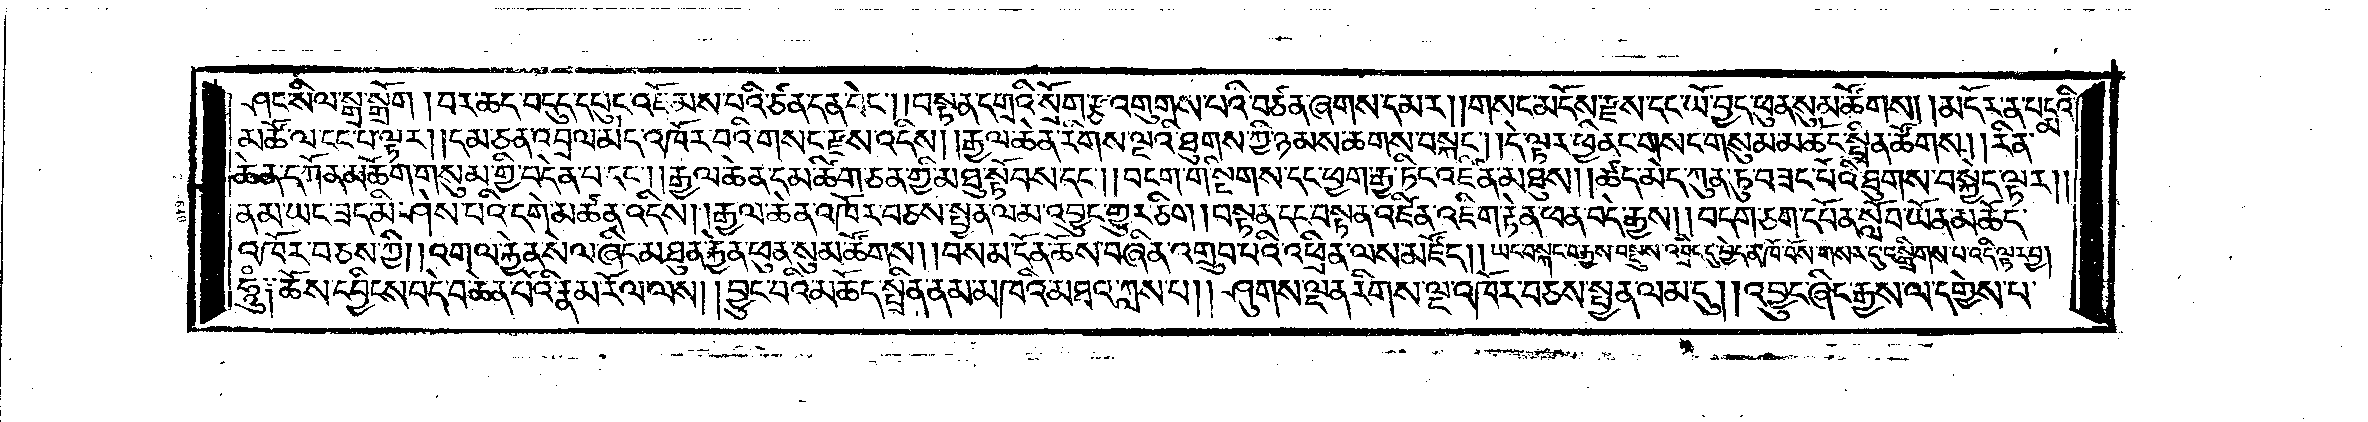ཤང་སིལ་སྒྲ་སྒྲོག །བར་ཆད་བདུད་དཔུང་འཇོམས་པའི་ཙན་དན་བེང་། །བསྟན་དགྲའི་སྲོག་རྩ་འགུགས་པའི་བཙན་ཞགས་དམར། །གསང་མདོས་རྫས་དང་ཡོ་བྱད་ཕུན་སུམ་ཚོགས། །མདོར་ན་པདམའི་
མཚོ་ལ་དང་པོ་ལྟར། །དམ་ཅན་འབྲལ་མེད་འཁོར་བའི་གསང་རྫས་འདིས། །རྒྱལ་ཆེན་རིགས་ལྔའི་ཐུགས་ཀྱི་ཉམས་ཆགས་བསྐང་། །དེ་ལྟར་ཕྱི་ནང་གསང་གསུམ་མཆོད་སྤྲིན་ཚོགས། །རིན་
ཆེན་དཀོན་མཆོག་གསུམ་གྱི་བདེན་བ་དང་། །རྒྱལ་ཆེན་དམ་ཚིག་ཅན་གྱི་མཐུ་སྟོབས་དང་། །བདག་གི་སྔགས་དང་ཕྱག་རྒྱ་ཏིང་འཛིན་མཐུས། །ཚད་མེད་ཀུན་ཏུ་བཟང་པོའི་ཐུགས་བསྐྱེད་ལྟར། །
ནམ་ཡང་ཟད་མི་ཤེས་པའི་དགེ་མཚན་འདིས། །རྒྱལ་ཆེན་འཁོར་བཅས་སྤྱན་ལམ་འབྱུང་གྱུར་ཅིག །བསྟན་དང་བསྟན་འཛིན་འཇིག་རྟེན་ཕན་བདེ་རྒྱས། །བདག་ཅག་དཔོན་སློབ་ཡོན་མཆོད་
འཁོར་བཅས་ཀྱི། །འགལ་རྐྱེན་སེལ་ཞིང་མཐུན་རྐྱེན་ཕུན་སུམ་ཚོགས། །བསམ་དོན་ཆོས་བཞིན་འགྲུབ་པའི་འཕྲིན་ལས་མཛོད། ཡབ་བསྐང་བ་རྒྱས་བསྡུས་འབྲིང་དུ་བྱེད་ན་ཁོ་བོས་གསར་དུ་བསྒྲིགས་པའི་འདི་ལྟར་བྱ།
ཧཱུཾ༑ ཆོས་དབྱིངས་བདེ་བ་ཆེན་པོའི་རྣམ་རོལ་ལས། །བྱུང་བའི་མཆོད་སྤྲིན་ནམ་མཁའི་མཐའ་ཀླས་པ། །ཤུགས་ལྡན་རིགས་ལྔ་འཁོར་བཅས་སྤྱན་ལམ་དུ། །འབྱུང་ཞིང་རྒྱས་ལ་དགྱེས་པ་